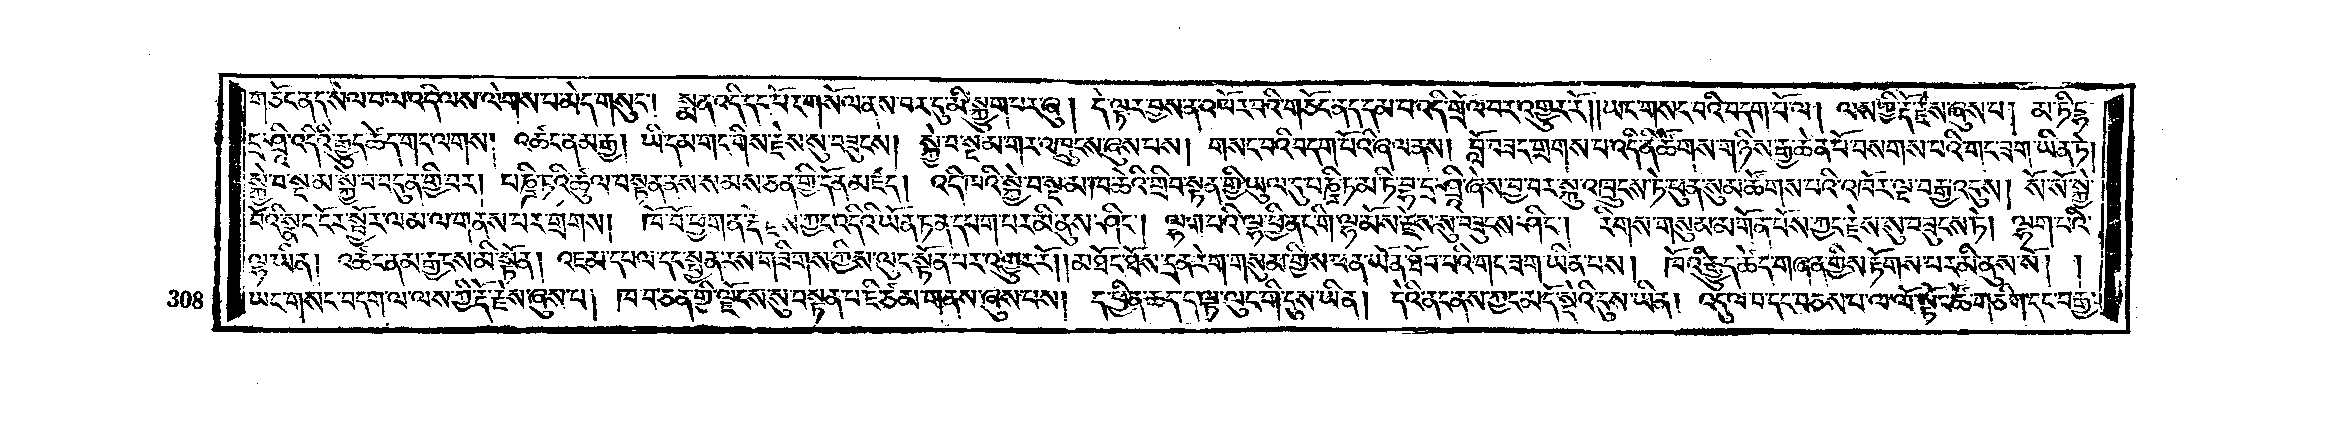གཅོང་ནད་སེལ་བ་ལ་འདི་ལས་ལེགས་པ་མེད་གསུང་། སྨན་འདི་དང་པོར་གསོལ་ནས་བར་དུ་མི་སྐྱུག་པར་ཞུ། དེ་ལྟར་བྱས་ན་འཁོར་བའི་གཅོང་ནད་དམ་པ་འདི་གྲོལ་བར་འགྱུར་རོ། །ཡང་གསང་བའི་བདག་པོ་ལ། ལས་ཀྱི་རྡོ་རྗེས་ཞུས་པ། མ་ཏི་དྷ་
དྲ་ཤའི་འདིའི་རྒྱུད་ཚེད་གང་ལགས། འཚང་ནམ་རྒྱ། ཡི་དམ་གང་གིས་རཇས་སུ་གཟུངས། སྐྱེ་བ་སྣག་མ་གར་འཁྲུངས་ཞུས་པས། གསང་བའི་བདག་པོའི་ཞལ་ནས། བློ་བཟང་གྲགས་པ་འདི་ནི་ཚོགས་གཉིས་རྒྱ་ཆེན་པོ་བསགས་པའི་གང་ཟག་ཡིན་ཏེ།
སྐྱེ་བ་སྔ་མ་སྐྱེ་བ་བདུན་གྱི་བར། པཎྜི་ཏའི་ཚུལ་བསྟན་ནས་སེམས་ཅན་གྱི་དོན་མཛད། འདི་ཁའི་སྐྱེ་བ་སྔ་མ་ཁ་ཆེའི་གྲིབ་སྟན་གྱི་ཡུལ་དུ་པཎྜི་ཏ་མ་ཏི་བྷ་དྲ་ཤྲཱི་ཞེས་བྱ་བར་སྐུ་འཁྲུངས་ཏེ་ཕུན་སུམ་ཚོགས་པའི་འཁོར་ལྔ་བརྒྱ་འདུས། སོ་སོ་སྐྱེ་
བོའི་སྣང་ངོར་སྦྱོར་ལམ་ལ་གནས་པར་གྲགས། ཁོ་བོ་ཕྱག་ན་རྡོ་རྗེས་ཀྱང་འདིའི་ཡོན་ཏན་དཔག་པར་མི་ནུས་ཤིང་། ལྷག་པའི་ལྷ་ཕྱི་ནང་གི་ལྷ་མོས་རྗེས་སུ་བཟུངས་ཤིང་། རིགས་གསུམ་མགོན་པོས་ཀྱང་རྗེས་སུ་བཟུངས་ཏེ། ལྷག་པའི་
ལྷ་ཡིན། འཚང་ནམ་རྒྱ་ངས་མི་སྟོན། འཇམ་དཔལ་དང་སྤྱན་རས་གཟིགས་ཀྱིས་ལུང་སྟོན་པར་འགྱུར་རོ། །མཐོང་ཐོས་དྲན་རེག་གསུམ་གྱིས་ཕན་ཡོན་ཐོབ་པའི་གང་ཟག་ཡིན་པས། ཁོའི་རྒྱུད་ཚེད་གཞན་གྱིས་རྟོགས་པར་མི་ནུས་སོ། །
ཡང་གསང་བདག་ལ་ལས་ཀྱི་རྡོ་རྗེས་ཞུས་པ། ཁ་བ་ཅན་གྱི་ལྗོངས་སུ་བསྟན་པ་ཇི་ཙམ་གནས་ཞུས་པས། ད་ཕྱིན་ཆད་ད་ལྟ་ལུང་གི་དུས་ཡིན། དེའི་ནང་ནས་ཀྱང་མདོ་སྡེའི་དུས་ཡིན། འདུལ་བ་དང་བཅས་པ་ལ་ལོ་སྟོང་ཚོ་གཅིག་དང་བརྒྱ་ར་